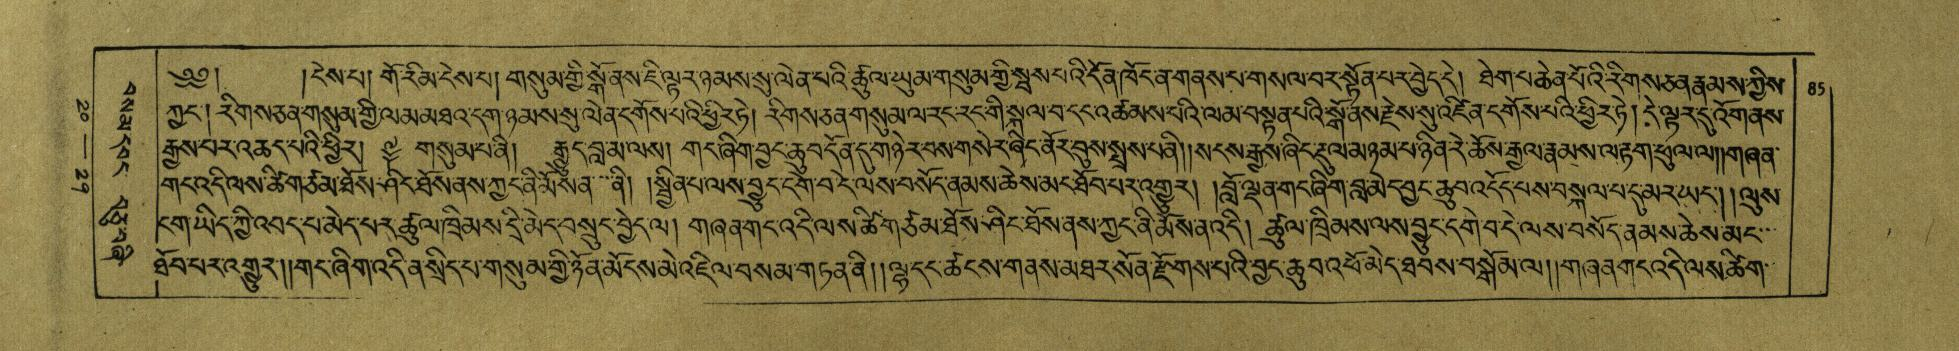༄༅། །ངེས་པ། གོ་རིམ་ངེས་པ། གསུམ་གྱི་སྒོ་ནས་ཇི་ལྟར་ཉམས་སུ་ལེན་པའི་ཚུལ་ཡུམ་གསུམ་གྱི་སྦས་པའི་དོན་ཁོང་ན་གནས་པ་གསལ་བར་སྟོན་པར་བྱེད་དེ། ཐེག་པ་ཆེན་པོའི་རིགས་ཅན་རྣམས་ཀྱིས་
ཀྱང་། རིགས་ཅན་གསུམ་གྱི་ལམ་མཐའ་དག་ཉམས་སུ་ལེན་དགོས་པའི་ཕྱིར་ཏེ། རིགས་ཅན་གསུམ་ལ་རང་རང་གི་སྐལ་བ་དང་འཚམས་པའི་ལམ་བསྟན་པའི་སྒོ་ནས་རྗེས་སུ་འཛིན་དགོས་པའི་ཕྱིར་ཏེ། དེ་ལྟར་དུ་འོག་ནས་
རྒྱས་པར་འཆད་པའི་ཕྱིར། ༈ གསུམ་པ་ནི། རྒྱུད་བླ་མ་ལས། གང་ཞིག་བྱང་ཆུབ་དོན་དུ་གཉེར་བས་གསེར་ཞིང་ནོར་བུས་སྤྲས་པ་ནི། །སངས་རྒྱས་ཞིང་རྡུལ་མཉམ་པ་ཉིན་རེ་ཆོས་རྒྱལ་རྣམས་ལ་རྟག་ཕུལ་ལ། །གཞན་
གང་འདི་ལས་ཚིག་ཙམ་ཐོས་ཤིང་ཐོས་ནས་ཀྱང་ནི་མོས་ན་ནི། །སྦྱིན་པ་ལས་བྱུང་དགེ་བ་དེ་ལས་བསོད་ནམས་ཆེས་མང་ཐོབ་པར་འགྱུར། །བློ་ལྡན་གང་ཞིག་བླ་མེད་བྱང་ཆུབ་འདོད་པས་བསྐལ་པ་དུ་མར་ཡང་། །ལུས་
ངག་ཡིད་ཀྱི་འབད་པ་མེད་པར་ཚུལ་ཁྲིམས་དྲི་མེད་བསྲུང་བྱེད་ལ། གཞན་གང་འདི་ལས་ཚིག་ཙམ་ཐོས་ཤིང་ཐོས་ནས་ཀྱང་ནི་མོས་ན་འདི། ཚུལ་ཁྲིམས་ལས་བྱུང་དགེ་བ་དེ་ལས་བསོད་ནམས་ཆེས་མང་
ཐོབ་པར་འགྱུར། །གང་ཞིག་འདི་ན་སྲིད་པ་གསུམ་གྱི་ཉོན་མོངས་མེ་འཇིལ་བསམ་གཏན་ནི། །ལྷ་དང་ཚངས་གནས་མཐར་སོན་རྫོགས་པའི་བྱང་ཆུབ་འཕོ་མེད་ཐབས་བསྒོམ་ལ། །གཞན་གང་འདི་ལས་ཚིག་